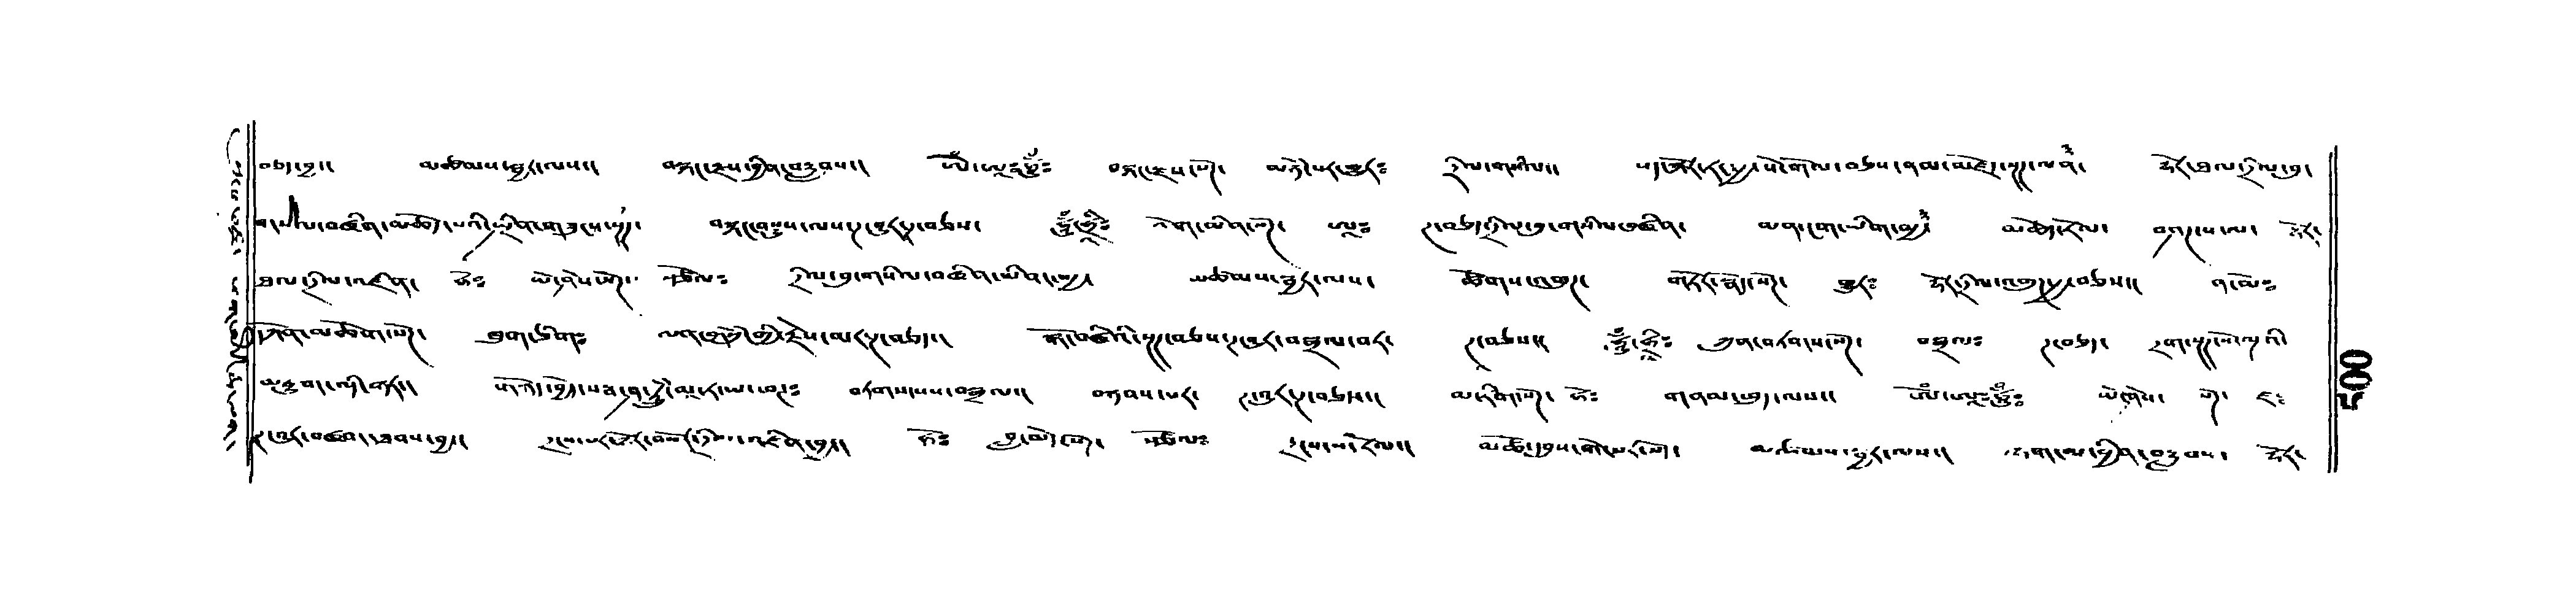བཅད་བྱ། མཚམས་སྦྱར་ལས། བསྐང་རྫས་བྱིན་བརླབས།ཨོཾ་ཨཱཿཧཱུྃ༔ བསྐང་རྫས་སོགས། མཉམ་པར་གྱུར༔ དྲིལ་གསིལ། པད་སྐོར་རང་རྒྱ་སེ་གོལ་བཅས་ནམ་མཛོད་སྔགས་ལན་གསུམ། རྡོར་ཐལ་དྲིལ་བུ་
གསིལ་བཞིན་མཆོད་པའི་སྤྲིན་གཟུངས་སྔགས་གཅིག བསྐང་བསྡུས་ལས་ཌཱ་འུར་ཌཱ་བཅས། ཧཱུྃ་ཧྲཱིཿ འོག་མིན་སོགས། ཨཱཿ ཌཱ་བཅད་དྲིལ་བུ་གསིལ་བཞིན། མན་ངག་ཡིག་བརྒྱ་གསུམ། མཆོད་རོལ། བཤགས་པ་ལ། རྡོར་
ཐལ་དྲིལ་འཛིན། ཧོཿ ཡེ་ཤེས་སོགས། སྩོལ༔ དྲིལ་བུ་གསིལ་བཞིན་ཡིག་བརྒྱ། མཚམས་སྦྱར་ལས། ཚོགས་འགུགས། གཏོར་སྣོད་སོགས། གྱུར༔ རྡོར་དྲིལ་འགུགས་རྒྱ་བཅས། ན་མོ༔ 
དཀོན་མཆོག་སོགས། ཁུག་ཅིག༔ ལན་གསུམ་གྱི་རྗེས་མར་ཌཱ་བཅད། སྒོ་བཞིའི་སྔགས་བཅས་ཌཱ་འུར། བསྒྲལ་བར། ཌཱ་བཅས། ཧཱུྃ་ཧྲཱིཿ ཀུན་བཏགས་སོགས། བསྒྲལ༔ ཌཱ་བཅད། དྲག་སྔགས་སོ་ལྔའི་
མཇུག་འདི་གར། གནོད་བྱེད་ སརྦ་ཤ་ཏྲུཾ་མཱ་ར་ཡ་ཕཊ༔ བཏགས་པས་བསྒྲལ། བསྟབ་པར། ཌཱ་འུར་ཌཱ་བཅས། མ་རིག་སོགས། ཧོཿ གནམ་ཕུད་ལས། ཨོཾ་ཨཱཿཧཱུྃ༔ ཡེ་ཤེས་སོགས། ཛཿ 
ཌཱ་འུར་བཞག་ཐབས་བྱ། དྲང་པར་རྡོར་གསོར་དྲིལ་འཛིན་བྱ། ཧོཿ བླ་མེད་སོགས། སྩོལ༔ དྲང་པ་རོལ། མཚོ་དབུས་གེ་སར་སོགས། མཚམས་སྦྱར་ལས། ལྷག་མ་བྱིན་བརླབས། རྡོར་